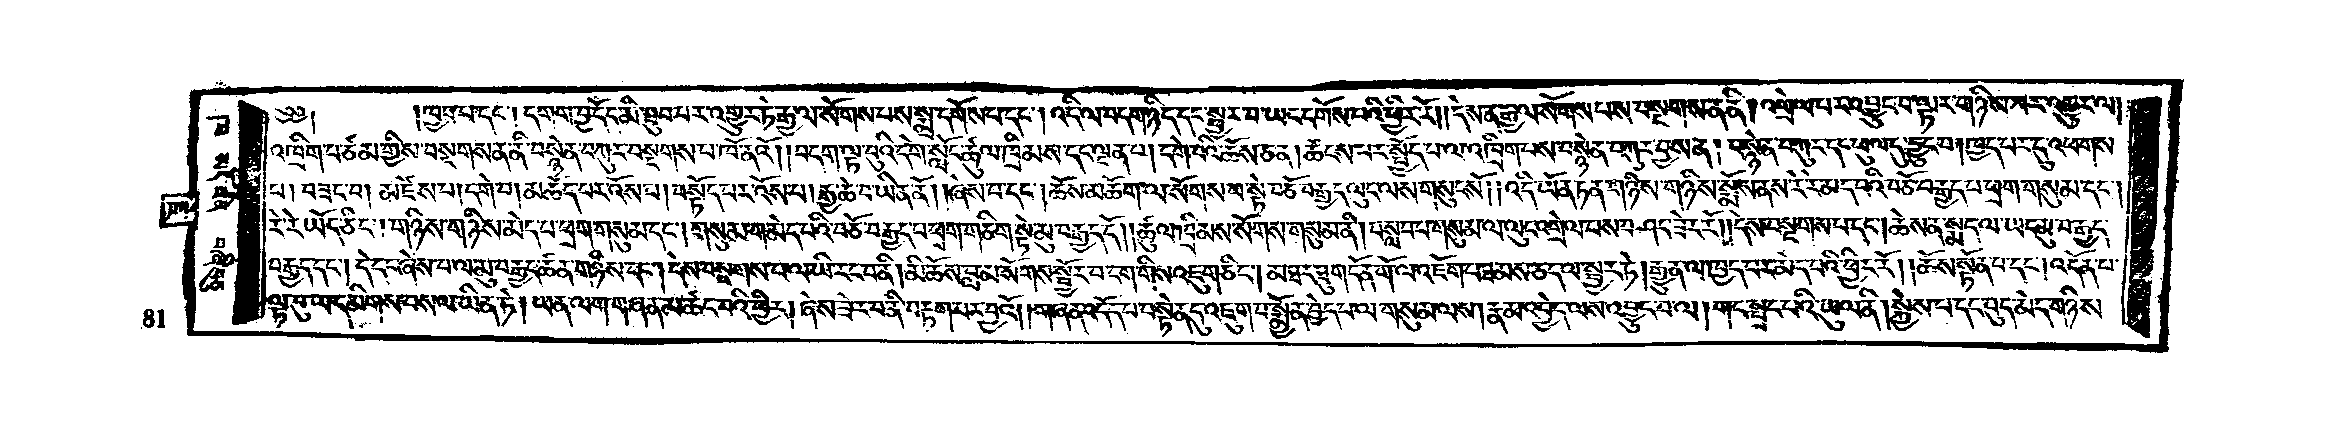༄༅། །ཁྱབ་པ་དང་། དགག་བྱ་དོད་མི་ཐུབ་པར་འགྱུར་ཏེ་རྒྱ་ལ་སོགས་པས་སྨྲ་དགོས་པ་དང་། འདི་ལ་བདག་ཉིད་དང་སྦྱར་བ་ཡང་དགོས་པའི་ཕྱིར་རོ། །དེས་ན་རྒྱ་ལ་སོགས་པས་བསྔགས་ན་ནི། འགྲེལ་པར་འབྱུང་བ་ལྟར་གཉིས་ཀར་འགྱུར་ལ།
འཁྲིག་པ་ཙམ་གྱས་བསྔགས་ན་ནི་བསྙེན་བཀུར་བསྔགས་པ་ཁོ་ནའོ། །བདག་ལྟ་བུའི་དགེ་སློང་ཚུལ་ཁྲིམས་དང་ལྡན་པ། དགེ་བའི་ཆོས་ཅན། ཚངས་པར་སྤྱོད་པ་ལ་འཁྲིག་པས་བསྙེན་བཀུར་བྱས་ན། བསྙེན་བཀུར་དང་ཕུལ་དུ་བྱུང་བ། ཁྱད་པར་དུ་འཕགས་
པ། བཟང་བ། མཛེས་པ། དགེ་བ། མཆོད་པར་འོས་པ། བསྟོད་པར་འོས་པ། རྒྱ་ཆེ་བ་ཡིན་ནོ། །ཞེས་པ་དང་། ཆོས་མཆོག་ལ་སོགས་པ་སྟེ་བཅོ་བརྒྱད་ལུང་ལས་གསུངས་སོ། །འདི་ཡོན་ཏན་གཉིས་གཉིས་སྨོས་ནས་རེ་རེ་མད་པའི་བཅོ་བརྒྱད་པ་ཕྲག་གསུམ་དང་།
རེ་རེ་ཡོད་ཅིང་། གཉིས་གཉིས་མེད་པ་ཕྲག་གསུམ་དང་། གསུམ་ག་མེད་པའི་བཅོ་བརྒྱད་པ་ཕྲག་གཅིག་སྟེ་མུ་བརྒྱད་དོ། །ཚུལ་ཁྲིམས་སོགས་གསུམ་ནི། བསླབ་པ་གསུམ་ལ་ལུང་འགྲེལ་པས་བཤད་ཟེར་རོ། །དེས་བསྔགས་པ་དང་། ཆེས་ན་སྨད་ལ་ཡང་མུ་བརྒྱད་
བརྒྱད་དང་། དེ་དང་ཞེས་པ་ལ་མུ་བརྒྱད་ཚན་གཉིས་དང་། དེས་བསྔགས་པ་ལ་ཡི་རང་བ་ནི། མི་ཆོས་བླ་མ་སོགས་སྦྱོར་བ་དག་གིས་འཇུག་ཅིང་། མཐར་ཐུག་དོན་གོ་ལ་འཇོག་པ་ཐམས་ཅད་ལ་སྦྱར་ཏེ། རྒྱུན་ལ་ཁྱད་པར་མེད་པའི་ཕྱིར་རོ། །ཆོས་སྟོན་པ་དང་། འདོན་པ་
ལྟ་བུ་ལ་དམིགས་བསལ་ཡིན་ཏེ། ཡན་ལག་གཞན་མ་ཚང་བའི་ཕྱིར། ཞེས་ཟེར་བ་ནི་བརྟག་པར་བྱའོ། །གཞན་འདོད་པ་བསྟེན་དུ་འཇུག་པ་སྨྱོན་བྱེད་པ་ལ་གསུམ་ལས། རྣམ་འབྱེད་ལས་འབྱུང་བ་ལ། གང་སྤྲང་བའི་ཡུལ་ནི། སྐྱེས་པ་དང་བུད་མེད་གཉིས་